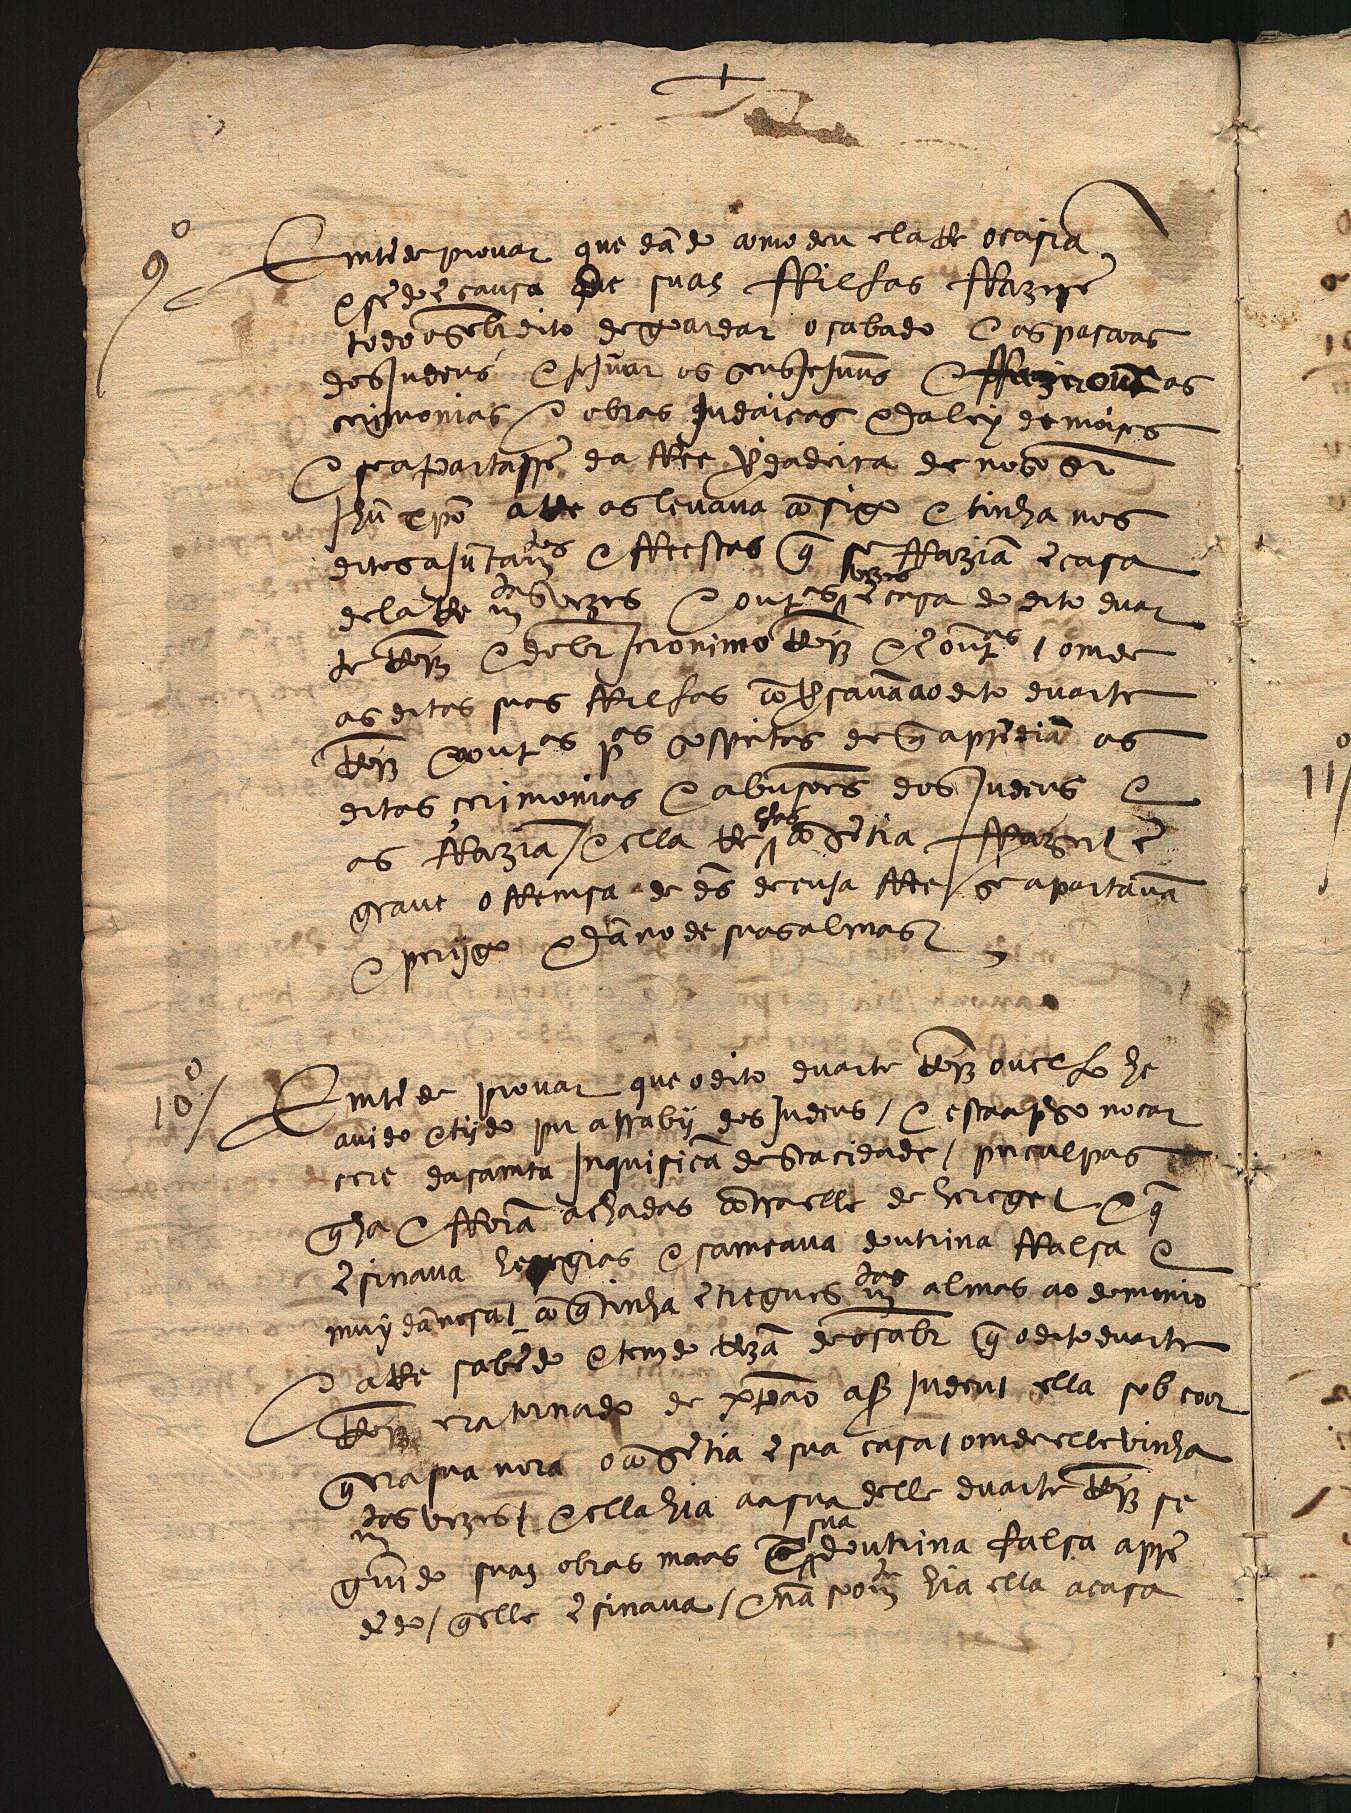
9o Emtēde prouar que dādo como deu ela Re ocasiā
e sēdo ē causa de suas ffilhas ffazerē
todo o s̄obrdito de goardar o sabado e as pascoas
dos Judeus e jejūar os seus Jejūus e ffazer outras
cerimonias e obras Judaicas e da ley de moises
e se apartarrē da ffee ꝟdadeira de noso s̄or
Jhū xpō a Re as leuaua c̄osigo e tinha nos
ditos aJūtamtos e ffeestas q̄ se ffaziā ē casa
dela Re mtas vezes e outas
vezes
ē casa do dito duar
te R̄ojz e do b̄r Jeronimo R̄ojz e ē outras / omde
as ditas suas ffilhas c̄oꝟsauā ao dito duarte
R̄ojz e a outas pas sospeitas de q̄ aprēdiā as
ditas cerimonias e abusões dos Judeus e
as ffaziā / e ella Re lhas c̄osētia ffazer / ē
graue offemsa de ds̄ de cuja ffee se apartauā
e perijgo e dāno de suas almas /
10o / Emtēde prouar que o dito duarte R̄ojz o uelho he
auido e tijdo por arrabij dos Judeus / e estaa p̄so no car
cere da samta Jnquisiçā desta cidade / por culpas
q̄ ha e fforā achadas c̄otra elle de herege / e q̄
ēsinaua he_egias e sameaua doutrina ffalsa e
muy dānosa / c̄o q̄ tinha ētregues mtas almas ao demonio
e a Re sabēdo e temdo Rezā de o s̄abr q̄ o dito duarte
R̄ojz era tornado de xpão a ꞩ judeu / ella sob coor
q̄ era sua nora o c̄osētia ē sua casa / omde elle vinha
mtas vezes / e ella hia aa sua delle duarte R̄ojz se
guīdo suas obras maas e sua doutrina falsa aprē
dēdo / q̄ elle ēsinaua / e nã soomte hia ella a casa
